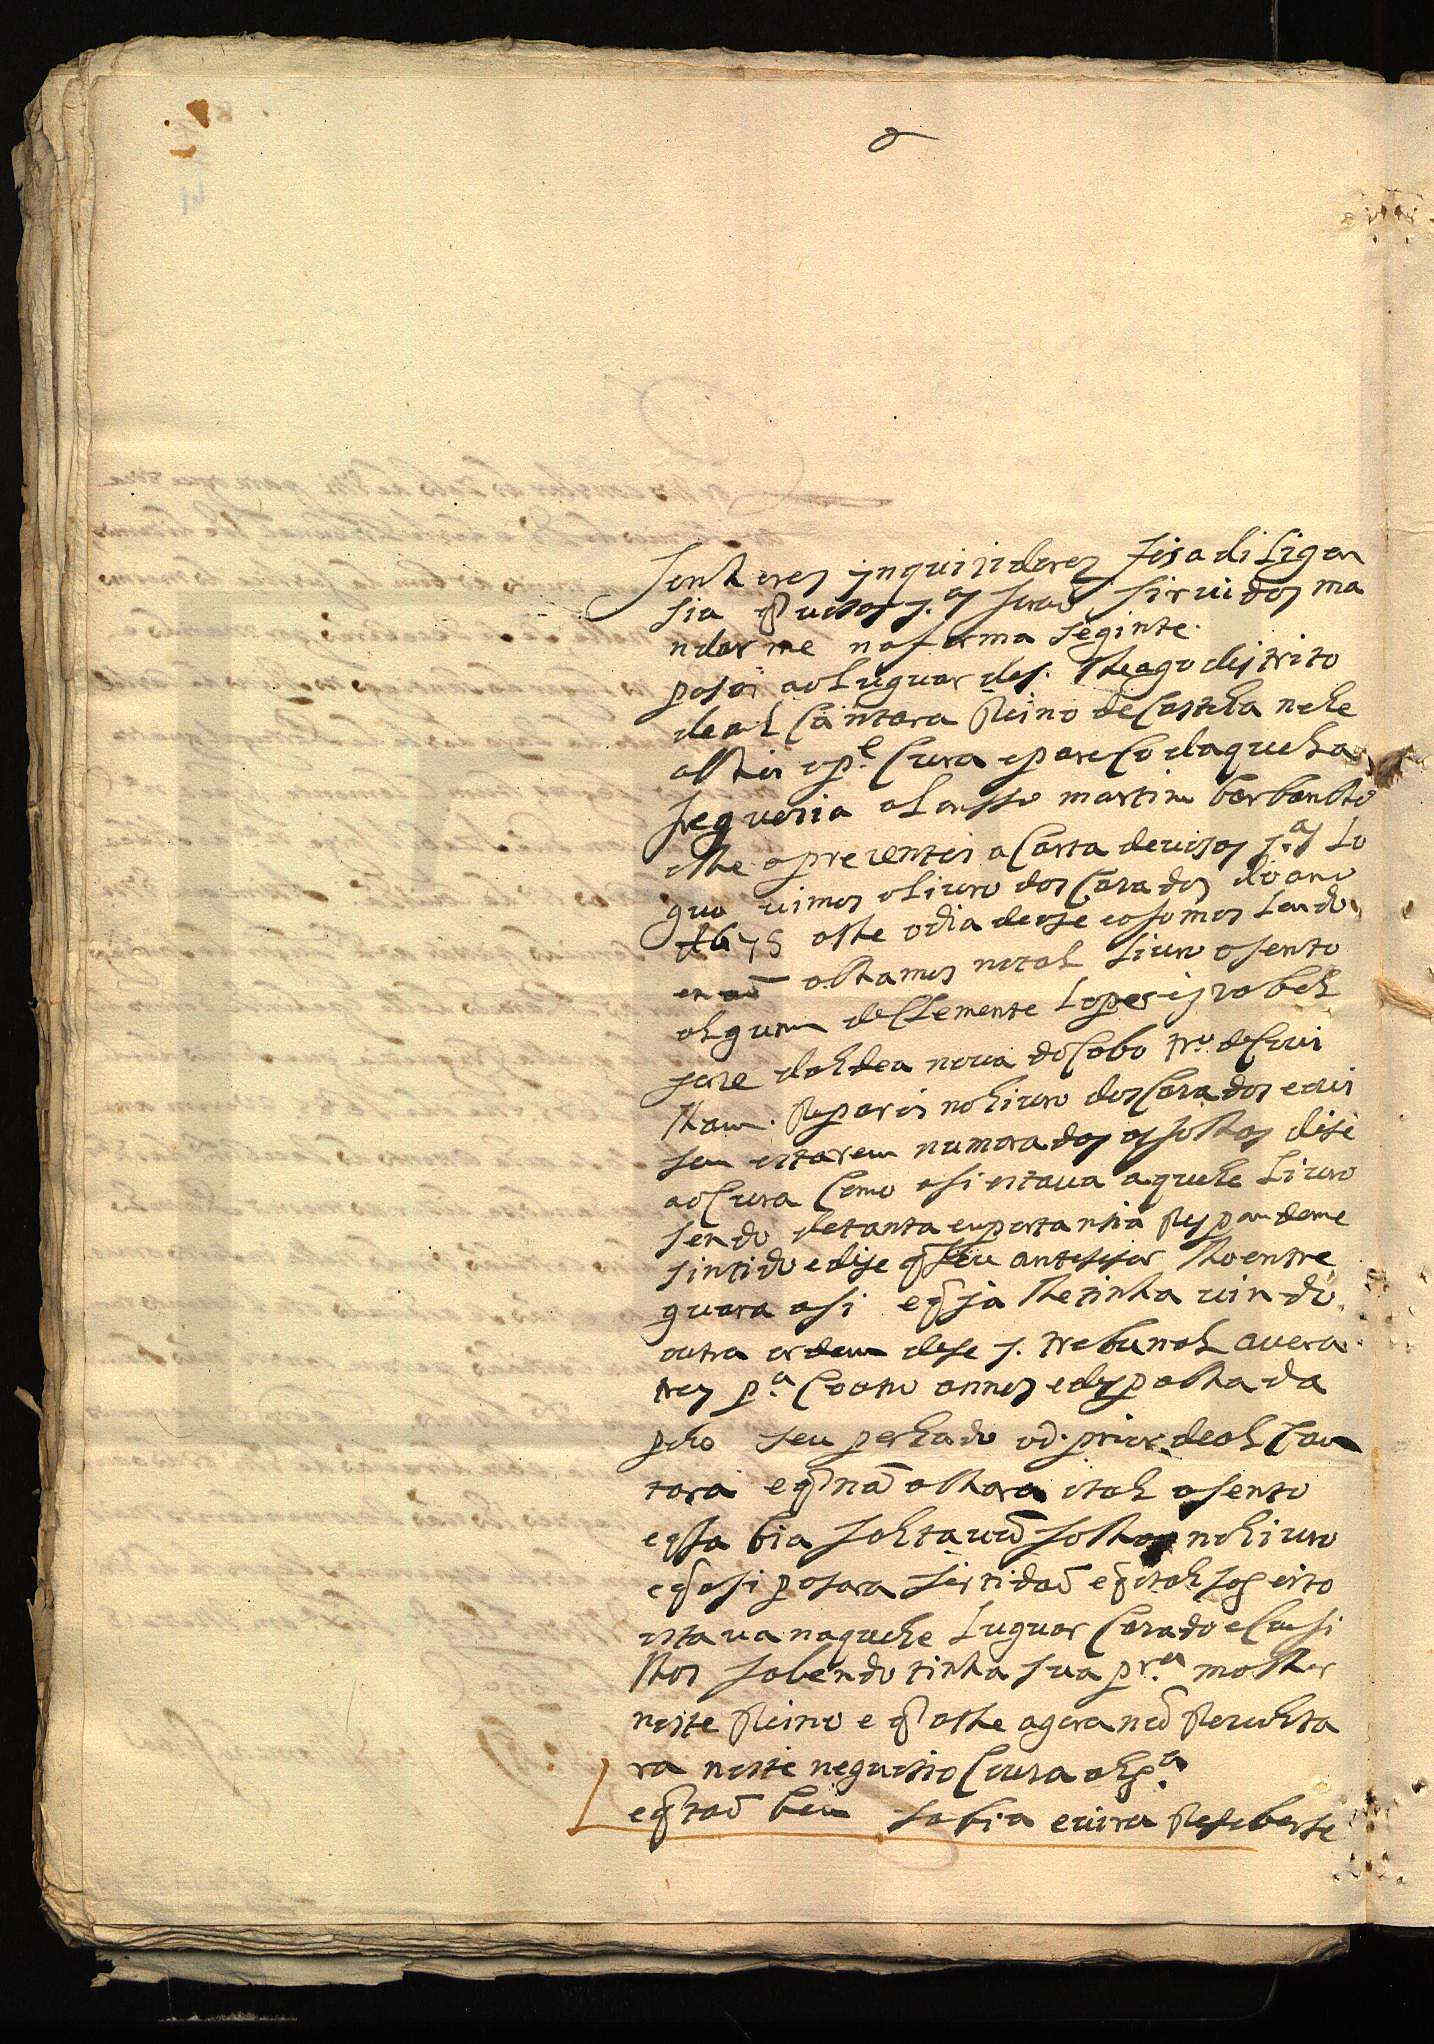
Senhores jnquizidores fis a diligen
sia q̄ uosas s.as foraõ siruidos ma
ndar me na forma seginte.
pasei ao Luguar de S. Thiago distrito
de aLCantara Reino de Castela nele
achei o pe. Cura e paroCo daqueLa
freguesia aLonsso martim barbanste
e lhe aprezentei a Carta de uosas s.as Lo
guo uimos o Liuro dos Cazados do ano
d̄ 675 athe o dia de oje e o fomos lendo
e naõ achamos no tal liuro asento
aLgum de CLemente Lopes e jzabeL
jorie daldea noua do Cabo tr.o de Coui
lham. Reparei no liuro dos Cazados e o ui
sem estarem numeradas as folhas dise
ao Cura Como asi estaua aquele Liuro
sendo de tanta emportansia Respondeme
sintido e dise q̄ seu antesesor lho entre
guara asi e q̄ ja lhe tinha uindo
outra ordem dese s. trebunal auera
tres p.a Coatro annos e despachada
pelo seu perlado o d. prior de aLCan
tara e q̄ naõ achava o tal asento
e q̄ sabia faltauaõ folhas no liuro
e q̄ asi pasara sertidaõ e q̄ o tal sogeito
estaua naquele Luguar Cazado e Con fi
lhos sabendo tinha sua pr.a molher
neste Reino e q̄ athe agora naõ Rezulta
ra neste neguosio Couza alg.a
e q̄ taõbem sabia e uira Reseberse
